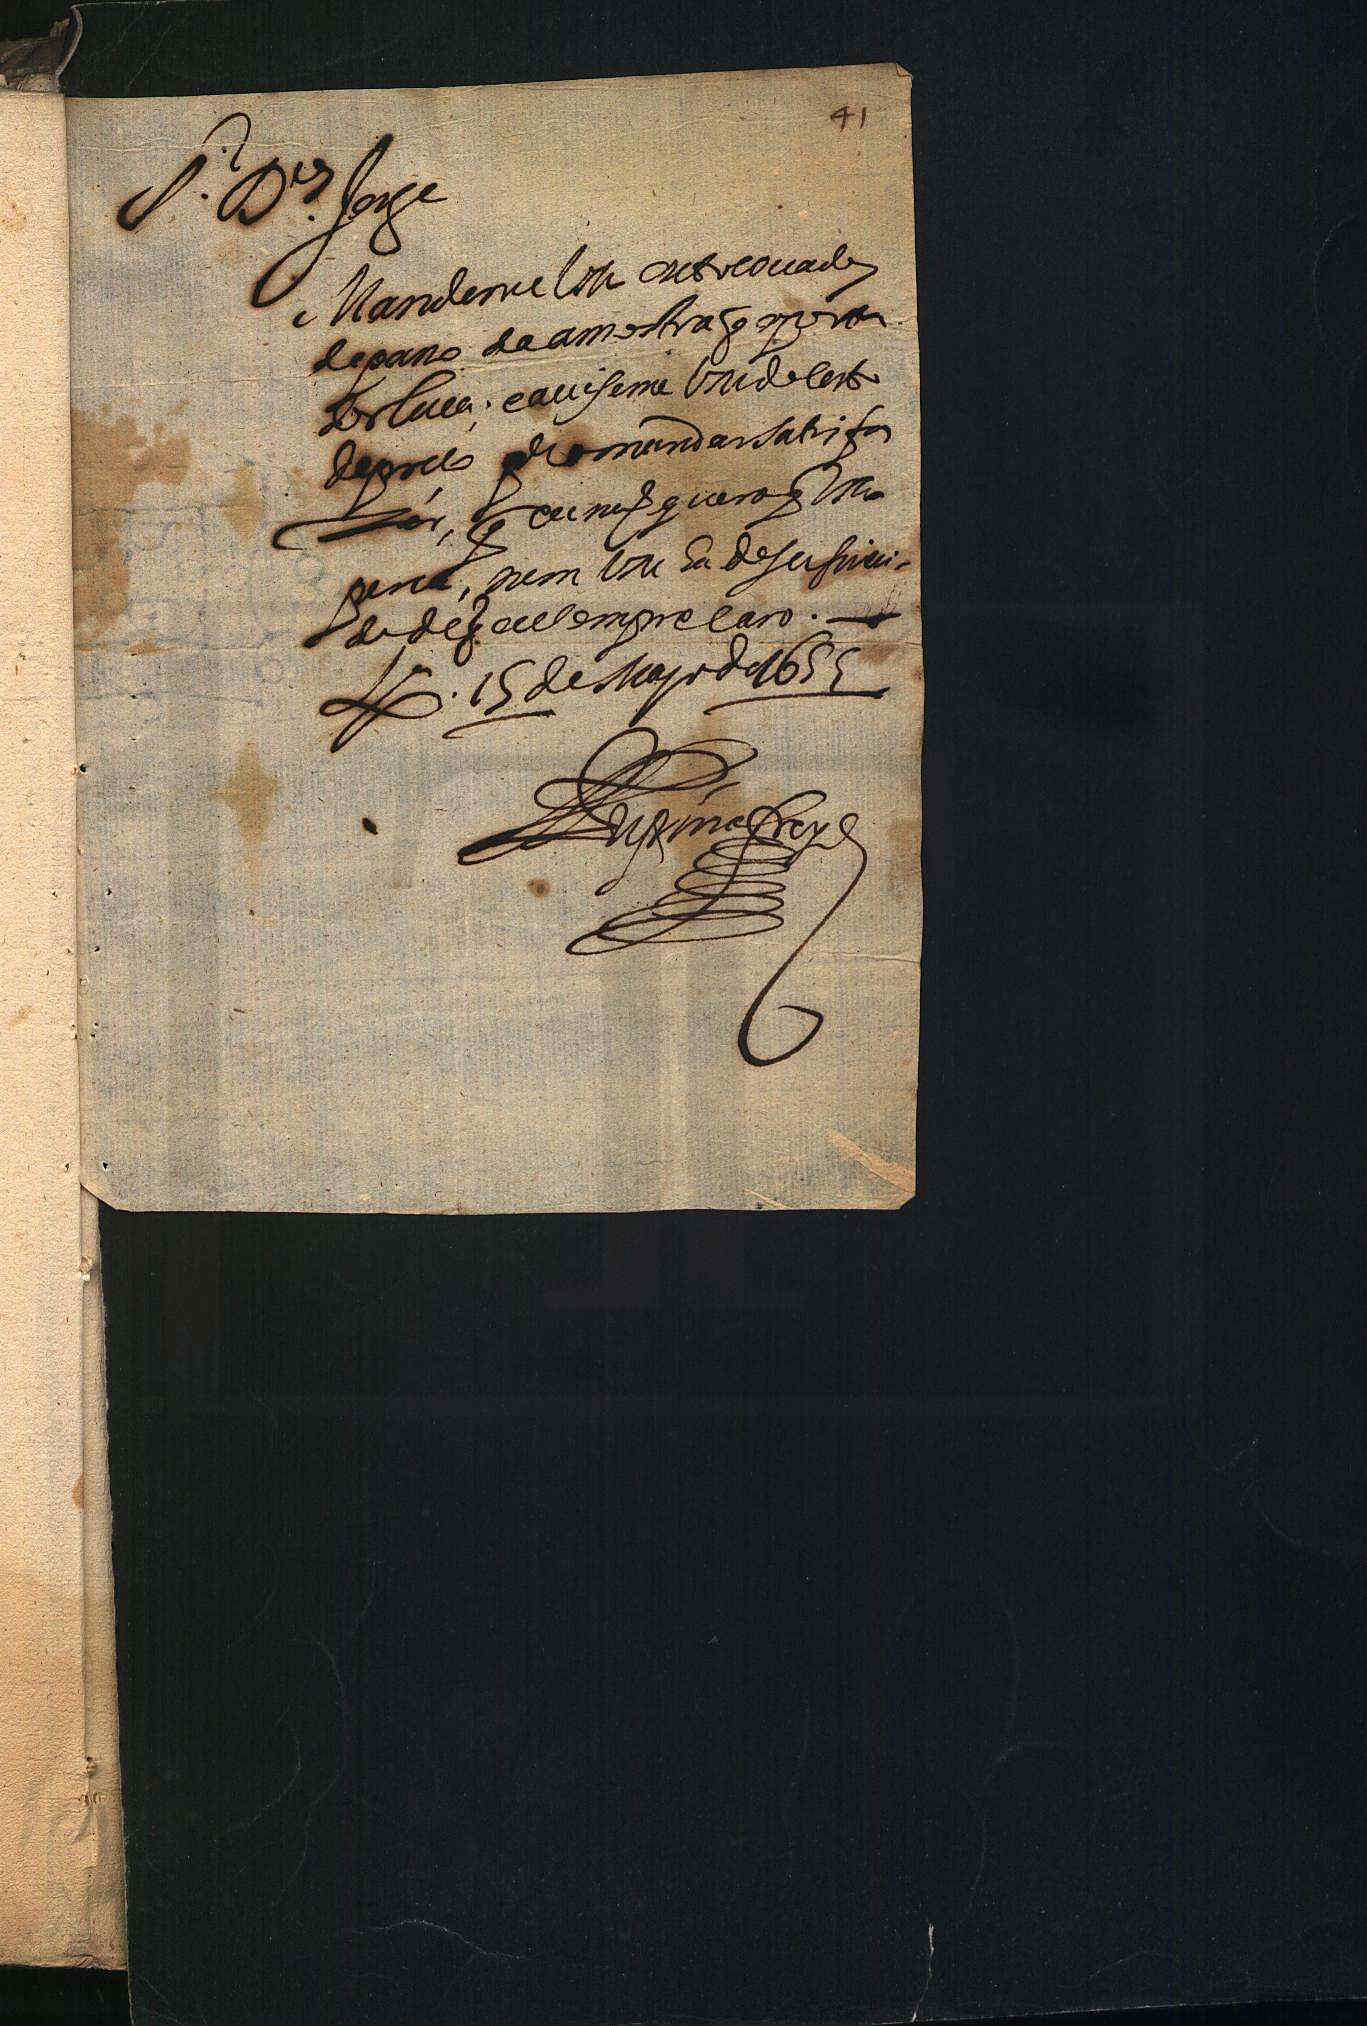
41
S̄. Dos. Jorge
Mandeme VM outo couados
de pano da amostra q̄ o porta
dor leua; e auiseme VM do certo
do preço pa o mandar satisfa
Zer, q̄ eu naõ quero q̄ VM
perca, nem VM ha de ser sirui
do de q̄. eu compre caro.
Lx. 15 de Majo de 1655
P Lupina freyre
